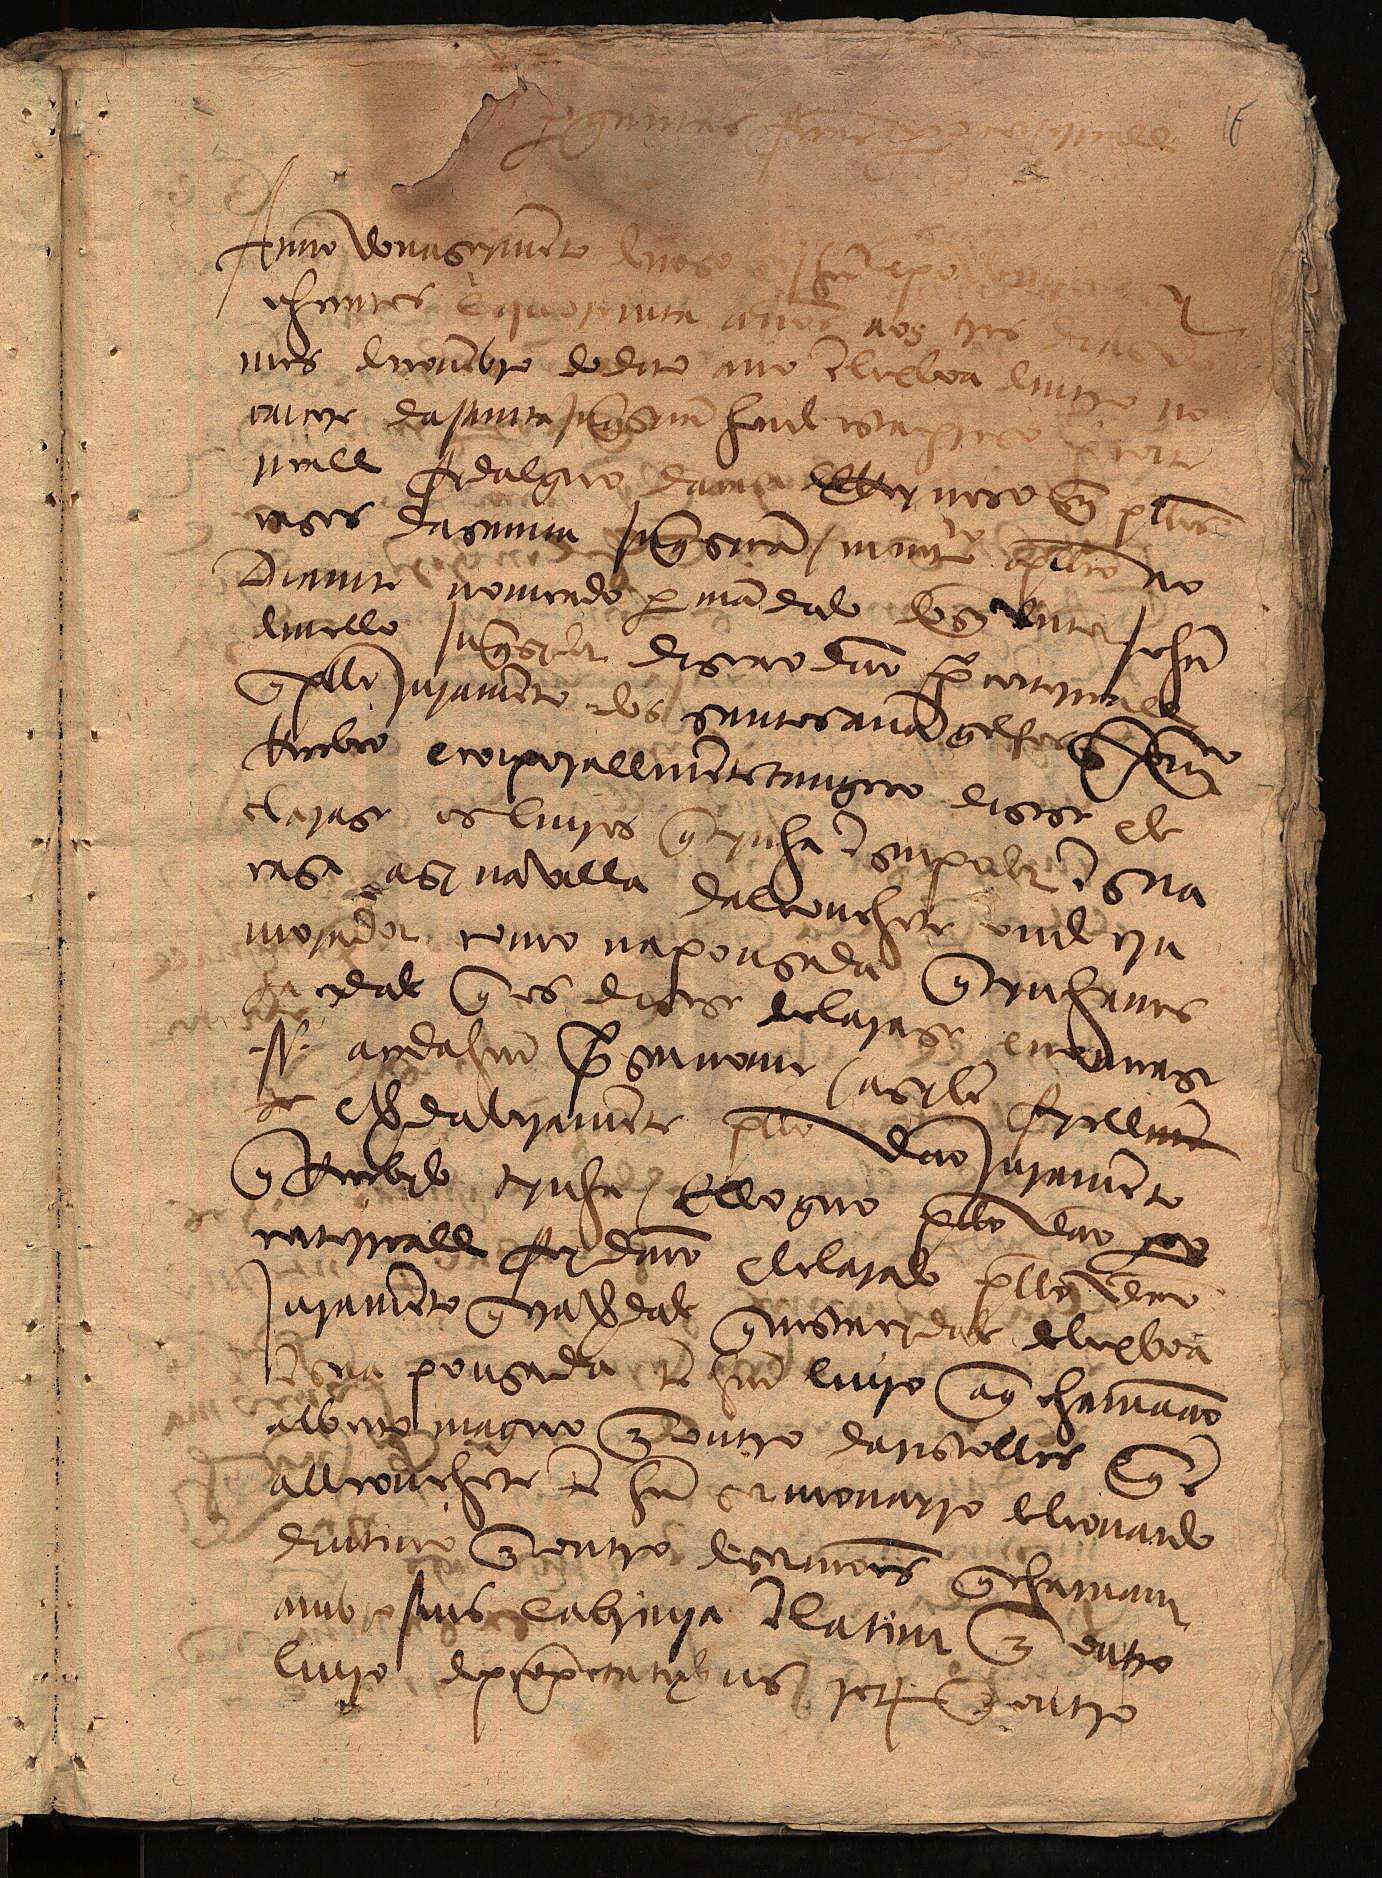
ꝑguntas fc̄as a ꝑo corte rreall
Anno do nasçymēto de nosso s̄or Jhū xpo de mjll quy
nhemtos e quoremta an̄os aos tres dias do
mes de nouēbro do dito ano ē lixboa demtro no
carcere da samta Jnq̄sycā honde esta preso po corte
rreall fydalguo da casa del Rey nosso s̄r pl̄los
casos da samta Jnq̄sjcā / eu notro āpllco ao
Diamte nomeado ꝑ mādado do s̄r doutor Johā
de mello Jnq̄sydor dise ao dito p̄o corte rreall
q̄ pl̄lo Juramēto dos santos auāgelhos q̄ p̄mro
Recebeo e corporallmēte tamgeeo disese e de
clarase os liuros q̄ tynha ē seu poder ē sua
casa asj na villa dalcouchete onde era
morador como na pousada q̄ tynha nes
ta cydade q̄ os disese declarase e nomease
.ss. a cada huū p̄o seu nome / asy bē fyellmē
te e ꝟdadeiramēte p̄llo dito Juramēto
q̄ Reçebydo tynha / E lloguo p̄llo dito ꝑo
corte rreall foy dito e declarado p̄llo dito
Juramēto q̄ era ꝟdade q̄ nesta çjdade de lixboa
ē sua pousada tē huū liuro a q̄ chamaão
alberto magno item outro daristolles e q̄ ē
allcouchete tē hū sermonayro de lionardo
diutino item outro de sermões q̄ chamam
ambrosius e a briuja ē latim item outro
liuro de prop̄etatybus rerum item outro
